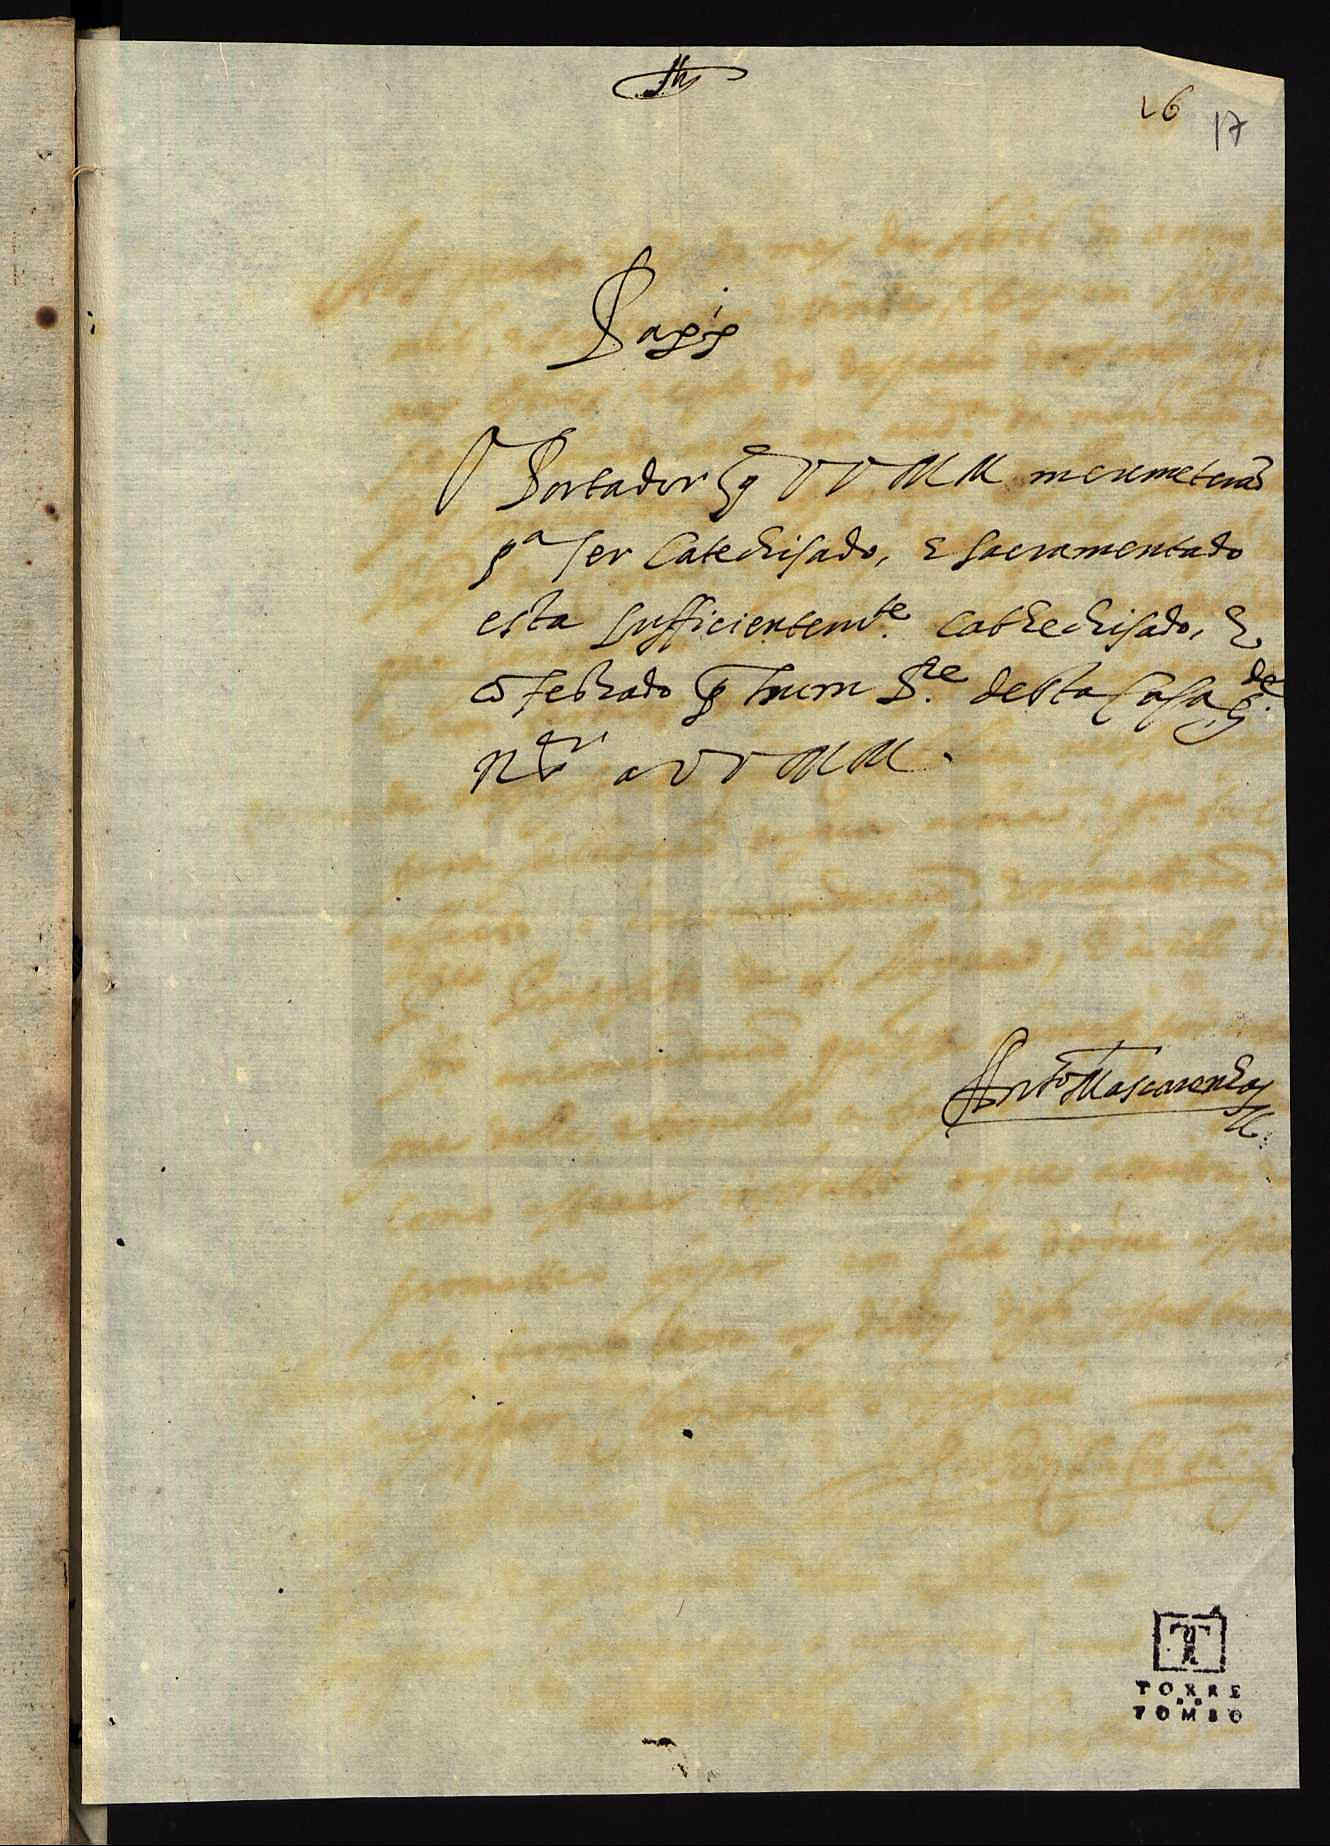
J̄hs
16
Pax xi
O Portador q̄ VV MM me remeteraõ
pa ser Catechisado, E sacramentado
esta sufficientem.te cathechisado, E
cōfessado p̄ hum P.e desta Casa, g.de
N sor a VV MM.
Anto Mascarenhas
